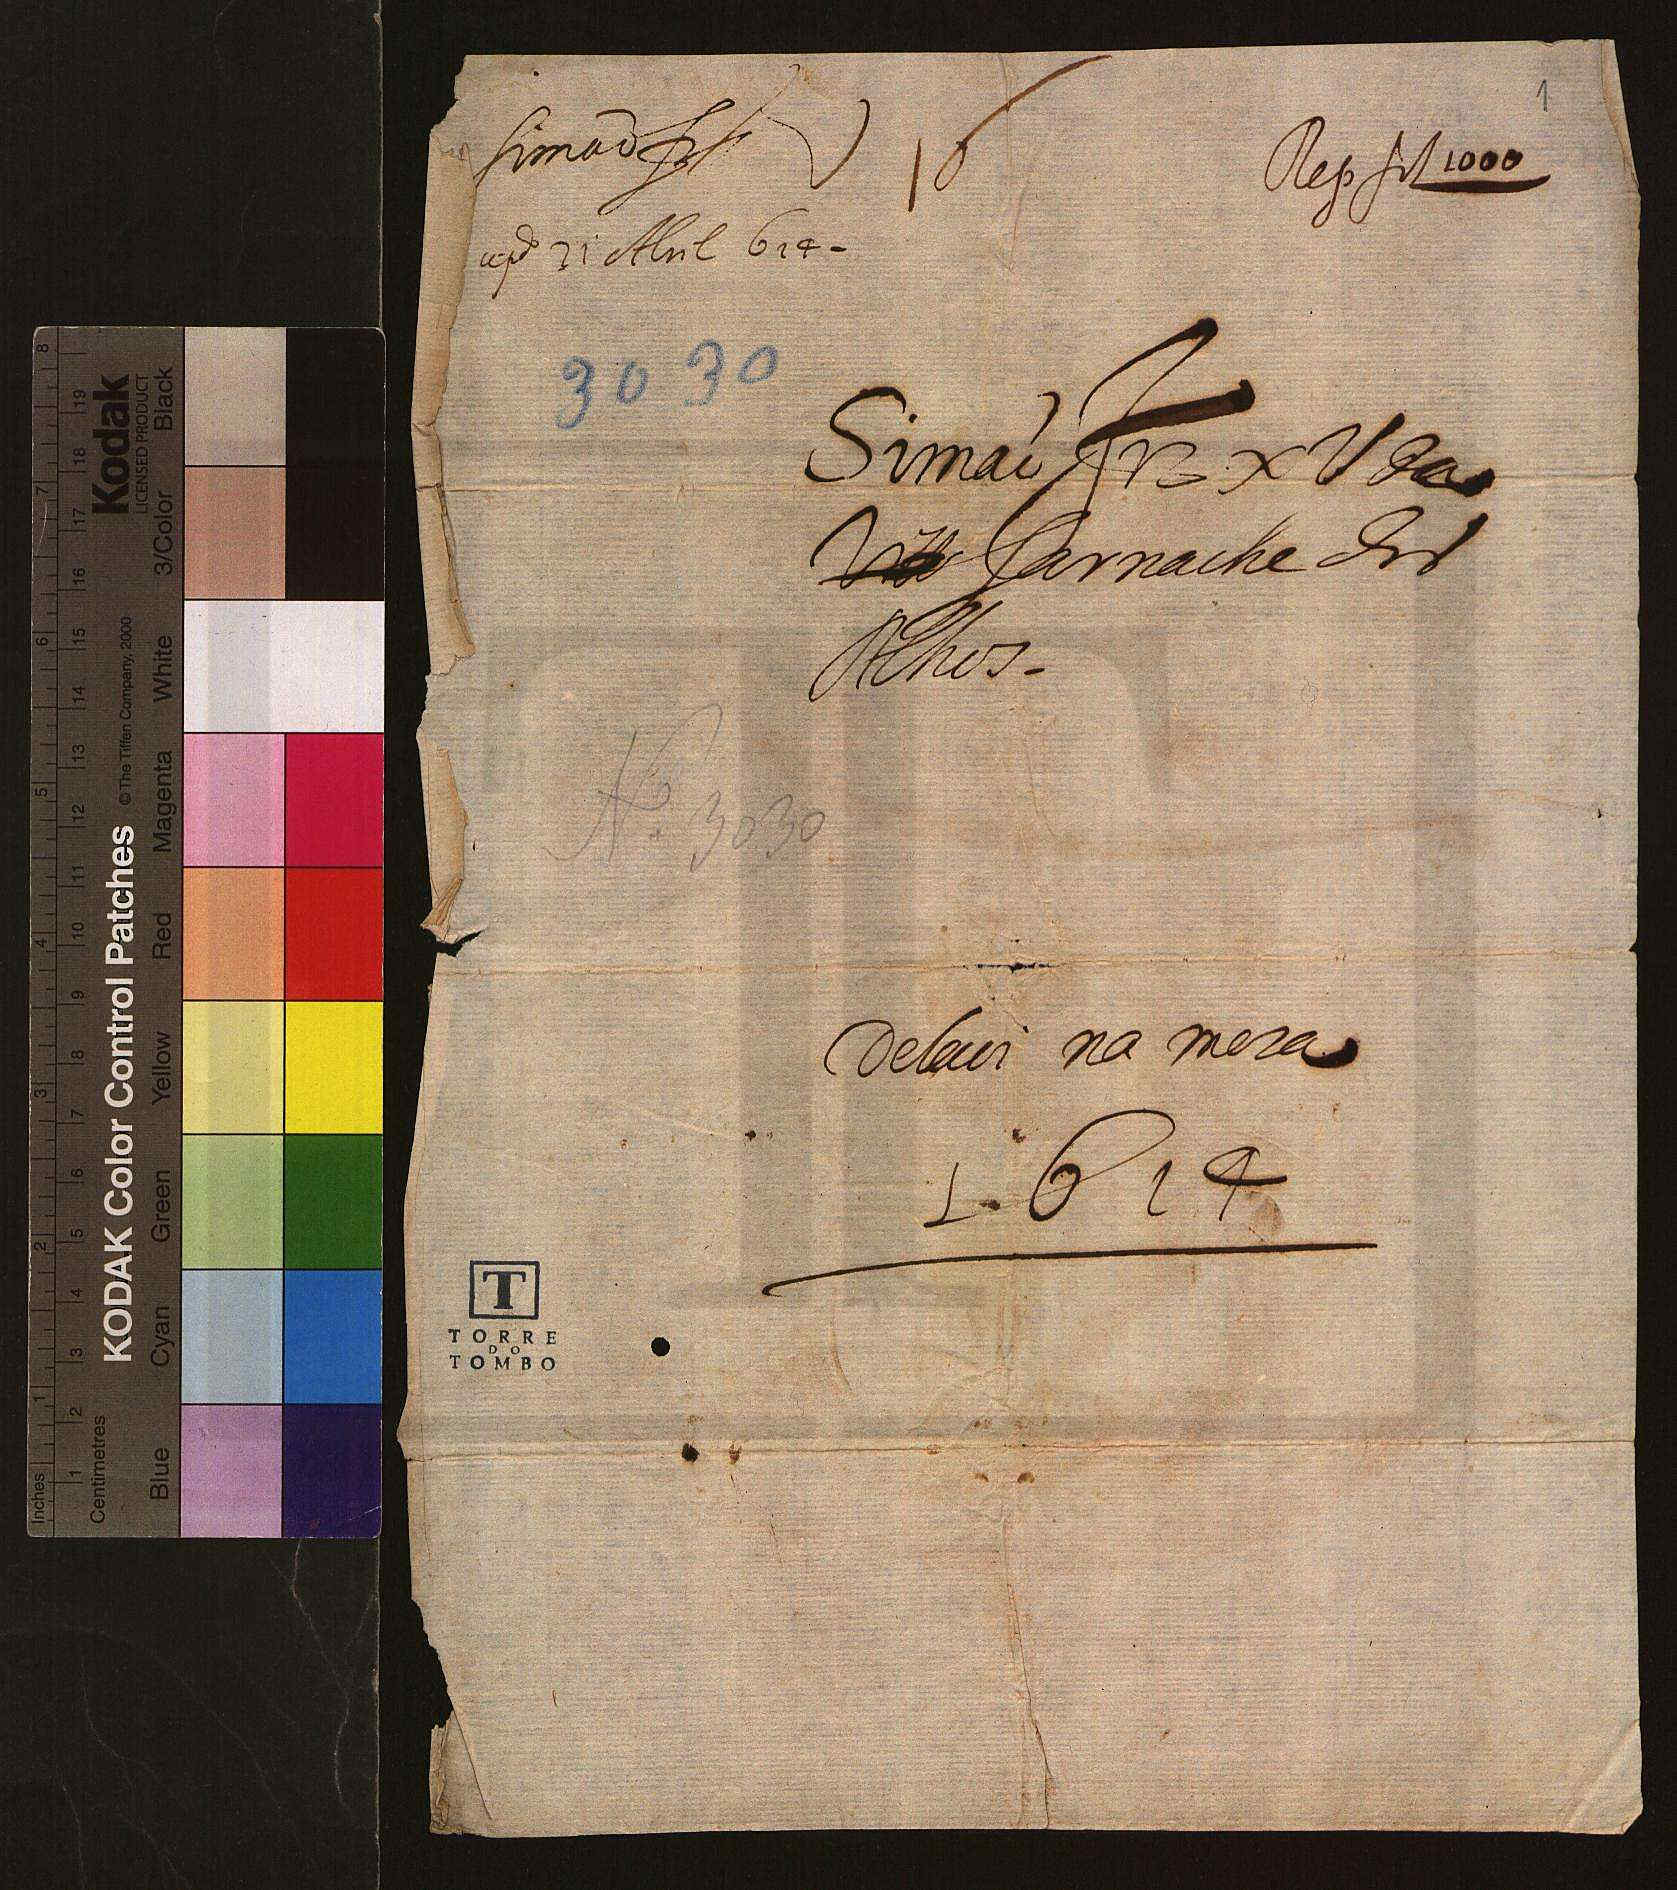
simão frz̄
16
Rep foL 1000
21 Abril 614 -
Simão frz̄ x V de
Vill Sarnache dos
Alhos
De leui na meza
1614
